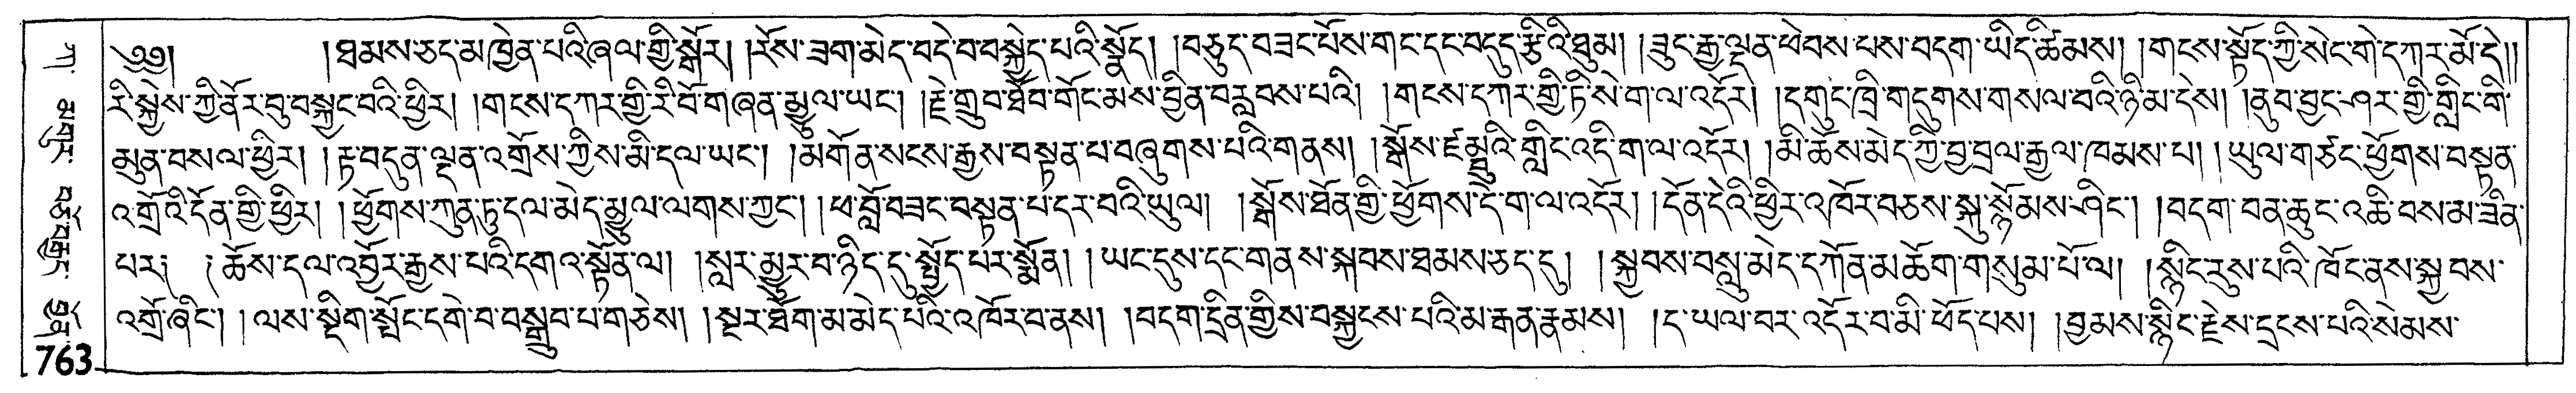༄༅། །ཐམས་ཅད་མཁྱེན་པའི་ཞལ་གྱི་སྒོར། །རོས་ཟག་མེད་བདེ་བ་བསྐྱེད་པའི་སྣོད། །བཅུད་བཟང་པོས་གང་དང་བདུད་རྩིའི་ཐུམ། །ཟུང་རྒྱ་ལྡན་ཕེབས་པས་བདག་ཡིད་ཚིམས། །གངས་སྟོད་ཀྱི་སེང་གེ་དཀར་མོ་དེ། །
རི་སྐྱེས་ཀྱི་ནོར་བུ་བསྐྱང་བའི་ཕྱིར། །གངས་དཀར་གྱི་རི་བོ་གཞན་མྱུལ་ཡང་། །རྗེ་གྲུབ་ཐོབ་གོང་མས་བྱིན་བརླབས་པའི། །གངས་དཀར་གྱི་ཏི་སེ་ག་ལ་འདོར། །དགུང་ཁྲི་གདུགས་གསལ་བའི་ཉི་མ་དེས། །ནུབ་བྱང་ཤར་གྱི་གླིང་གི་
མུན་བསལ་ཕྱིར། །རྟ་བདུན་ལྡན་འགྲོས་ཀྱིས་མི་དལ་ཡང་། །མགོན་སངས་རྒྱས་བསྟན་པ་བཞུགས་པའི་གནས། །སྒོས་ཛམྦུའི་གླིང་འདི་ག་ལ་འདོར། །མི་ཆོས་མེད་ཀྱི་བྱ་བྲལ་རྒྱལ་ཁམས་པ། །ཡུལ་གཙང་ཕྱོགས་བསྟན་
འགྲོའི་དོན་གྱི་ཕྱིར། །ཕྱོགས་ཀུན་ཏུ་དལ་མེད་མྱུལ་ལགས་ཀྱང་། །ཕ་བློ་བཟང་བསྟན་པ་དར་བའི་ཡུལ། །སྒོས་ཐོན་གྱི་ཕྱོགས་དེ་ག་ལ་འདོར། །དོན་དེའི་ཕྱིར་འཁོར་བཅས་སྐུ་སྙོམས་ཤིང་། །བདག་བན་ཆུང་འཆི་བས་མ་ཟིན་
པར༑ ༑ཆོས་དལ་འབྱོར་རྒྱས་པའི་དགའ་སྟོན་ལ། །སླར་མྱུར་བ་ཉིད་དུ་སྤྱོད་པར་སྨོན། །ཡང་དུས་དང་གནས་སྐབས་ཐམས་ཅད་དུ། །སྐྱབས་བསླུ་མེད་དཀོན་མཆོག་གསུམ་པོ་ལ། །སྙིང་རུས་པའི་ཁོང་ནས་སྐྱབས་
འགྲོ་ཞིང་། །ལས་སྡིག་སྤོང་དགེ་བ་བསྒྲུབ་པ་གཅེས། །སྔར་ཐོག་མ་མེད་པའི་འཁོར་བ་ནས། །བདག་དྲིན་གྱིས་བསྐྱངས་པའི་མ་རྒན་རྣམས། །ད་ཡལ་བར་འདོར་བ་མི་ཕོད་པས། །བྱམས་སྙིང་རྗེས་དྲངས་པའི་སེམས་